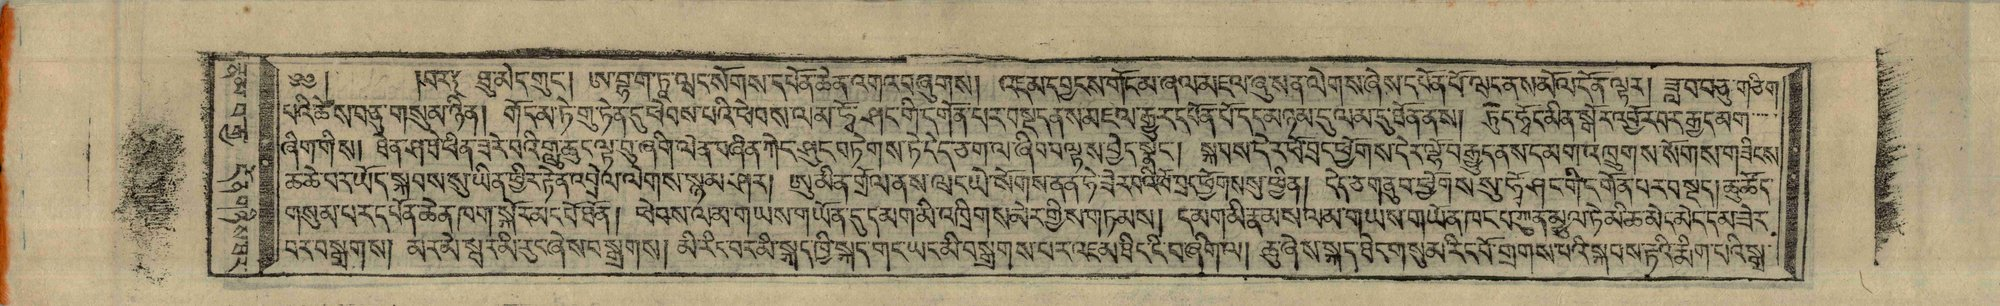༄༅། །བར། ཐུ་མེད་གུང་། ཨ་བྷ་ག་ཏཱ་ཝང་སོགས་དཔོན་ཆེན་འགའ་བཞུགས། འཇམ་དབྱངས་གོང་མ་ཞལ་མཇལ་ཞུས་ན་ལེགས་ཞེས་དཔོན་པོ་ཝང་ནས་མོལ་དོན་ལྟར། ཟླ་བ་བཅུ་གཅིག་
པའི་ཚེས་བཅུ་གསུམ་ཉིན། གོང་མ་ཏེ་གུ་ཏེན་དུ་ཕེབས་པའི་ཕེབས་ལམ་ཧྭོ་ཤང་གི་དགོན་གར་བསྡད་ནས་མཇལ་རྒྱུར་དཔོན་པོ་དང་མཉམ་དུ་ལམ་དུ་ཐོན་ནས། ཏུང་ཧྭོང་མིན་སྒོར་འབྱོར་བར་རྒྱ་དམག་
ཞིག་གིས། ཐེན་ཤ་ཐེ་ཕིན་ཟེར་བའི་གླུ་ཆུང་ལྟ་བུ་ཞིག་ལེན་བཞིན་ཀེང་ཤུང་བཏེགས་ཏེ་ངེད་ཅག་ལ་ཞིབ་བལྟས་བྱེད་སྣང་། སྐབས་དེར་ཕོ་བྲང་ཕྱོགས་དེར་ལྷོ་བརྒྱུད་ནས་དམག་འཁྲུགས་སོགས་གཟིངས་
ཆ་ཆེ་བར་ཡོད་སྐབས་སུ་ཡིན་ཕྱིར་རྟེན་འབྲེལ་ལེགས་སྙམ་ཤར། ཨུ་མིན་གྲོལ་ནས་ཝང་ཡེ་སོགས་ནན་ཧེ་ཟེར་བའི་ཕོ་བྲང་ཕྱོགས་སུ་ཕྱིན། དེད་ཅག་ནུབ་ཕྱོགས་སུ་ཧྭོ་ཤང་གི་དགོན་པར་བསྡད། ཆུ་ཚོད་
གསུམ་པར་དཔོན་ཆེན་ཁག་སྐོར་མང་པོ་ཐོན། ཕེབས་ལམ་གཡས་གཡོན་དུ་དམག་མི་འཁྲིགས་མེར་གྱིས་གཏམས། དམག་མི་རྣམས་ལམ་གཡས་གཡོན་ཁང་པ་ཀུན་མྱུལ་ཏེ་མི་ཆ་མེད་མེད་དམ་ཟེར་
བར་བསྒྲགས། མར་མེ་སྦར་མི་རུང་ཞེས་བསྒྲགས། མི་རིང་བར་མི་སྐད་ཁྱི་སྐད་གང་ཡང་མི་བསྒྲགས་པར་འཇམ་ཐིང་རི་བ་ཞིག་ལ། ཆུ་ཞེས་སྐད་ཐེང་གསུམ་རིང་པོ་གྲགས་པའི་སྐབས་རྟའི་རྨིག་པའི་སྒྲ་